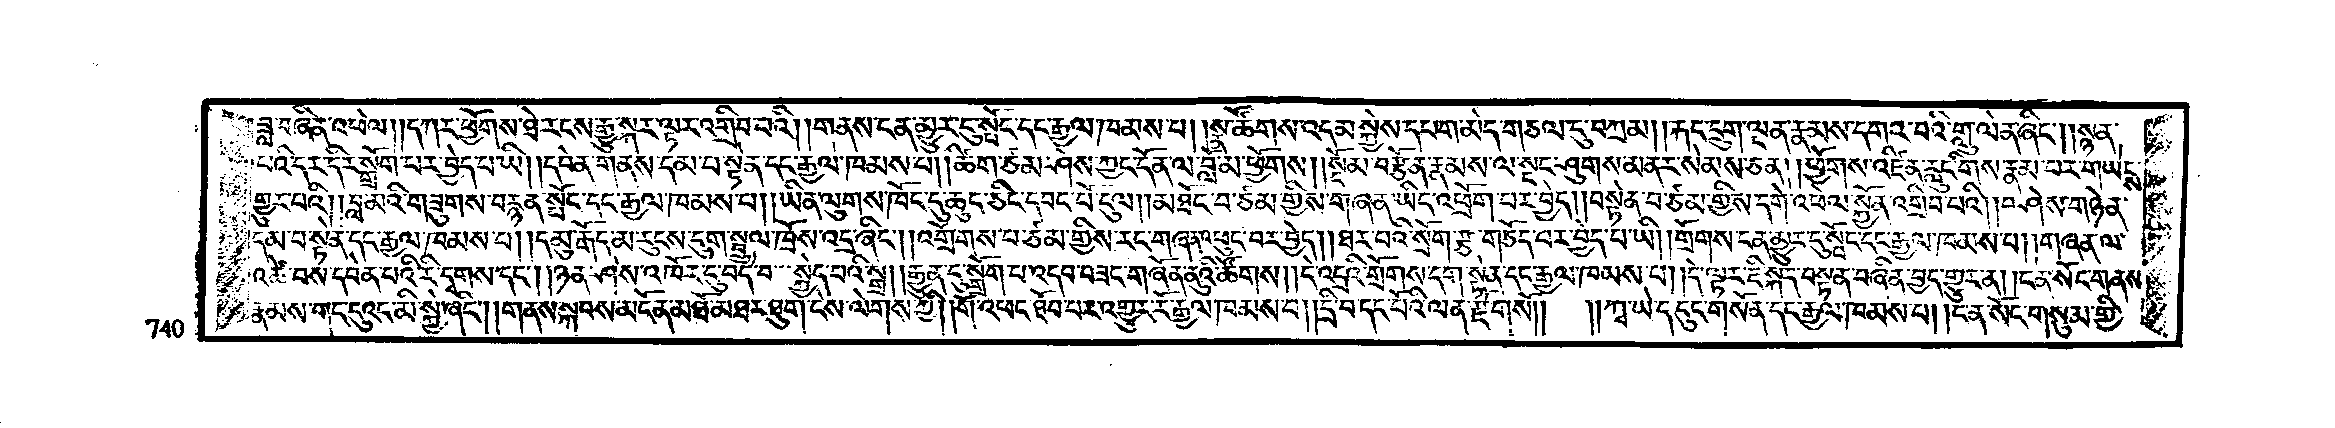ཟླ་བཞིན་འཕེལ། །དཀར་ཕྱོགས་ཐེ་རངས་རྒྱུ་སྐར་ལྟར་འགྲིབ་པའི། །གནས་ངན་མྱུར་དུ་སྤོང་དང་རྒྱལ་ཁམས་པ། །སྣ་ཚོགས་འདམ་སྐྱེས་དཔག་མེད་གཅལ་དུ་བཀྲམ། །རྐང་དྲུག་ལྡན་རྣམས་དགའ་བའི་གླུ་ལེན་ཞིང་། །སྙན་
པའི་དར་དིར་སྒྲོག་པར་བྱེད་པ་ཡི། །དབེན་གནས་དམ་པ་སྟེན་དང་རྒྱལ་ཁམས་པ། །ཚིག་ཙམ་ཤེས་ཀྱང་དོན་ལ་བློ་མ་ཕྱོགས། །སྡོམ་བརྩོན་རྣམས་ལ་སྡང་ཤུགས་མནར་སེམས་ཅན། །ཕྱོགས་འཛིན་རླུང་གིས་རྣམ་པར་གཡངས་
གྱུར་པའི། །བླ་མའི་གཟུགས་བརྙན་སྤོང་དང་རྒྱལ་ཁམས་པ། །ཡིན་ལུགས་ཁོང་དུ་ཆུད་ཅིང་དབང་པོ་དུལ། །མཐོང་བ་ཙམ་གྱིས་གཞན་ཡིད་འཕྲོག་པར་བྱེད། །བསྟེན་པ་ཙམ་གྱིས་དགེ་འཕེལ་སྐྱོན་འགྲིབ་པའི། །བཤེས་གཉེན་
དམ་པ་སྟེན་དང་རྒྱལ་ཁམས་པ། །དམུ་རྒོད་མ་རུངས་དུག་སྦྲུལ་ཁྲོས་འདྲ་ཞིང་། །འགྲོགས་པ་ཙམ་གྱིས་རང་གཞན་འཕུང་བར་བྱེད། །ཐར་པའི་སྲོག་རྩ་གཅོད་པར་བྱེད་པ་ཡི། །གྲོགས་ངན་མྱུར་དུ་སྤོང་དང་རྒྱལ་ཁམས་པ། །གཞན་ལ་
འཚེ་བས་དབེན་པའི་རི་དྭགས་དང་། །ཉན་ཤེས་འཁོར་དུ་བདེ་བ་སྐྱེད་པའི་སྒྲ། །རྒྱུན་དུ་སྒྲོག་པ་འདབ་བཟང་གཞོན་ནུའི་ཚོགས། །དེ་འདྲའི་གྲོགས་དག་སྟེན་དང་རྒྱལ་ཁམས་པ། །དེ་ལྟར་ཇི་སྐད་བསྟན་བཞིན་བྱད་གྱུར་ན། །ངན་སོང་གནས་
རྣམས་གང་དུའང་མི་སྐྱེ་ཞིང་། །གནས་སྐབས་མངོན་མཐོ་མཐར་ཐུག་ངེས་ལེགས་ཀྱི། །གོ་འཕང་ཐོབ་པར་འགྱུར་རོ་རྒྱལ་ཁམས་པ། །དྲི་བ་དང་པོའི་ལན་རྫོགས་སོ།། །།ཀྭ་ཡེ་ད་དུང་གསོན་དང་རྒྱལ་ཁམས་པ། །ངན་སོང་གསུམ་གྱི་